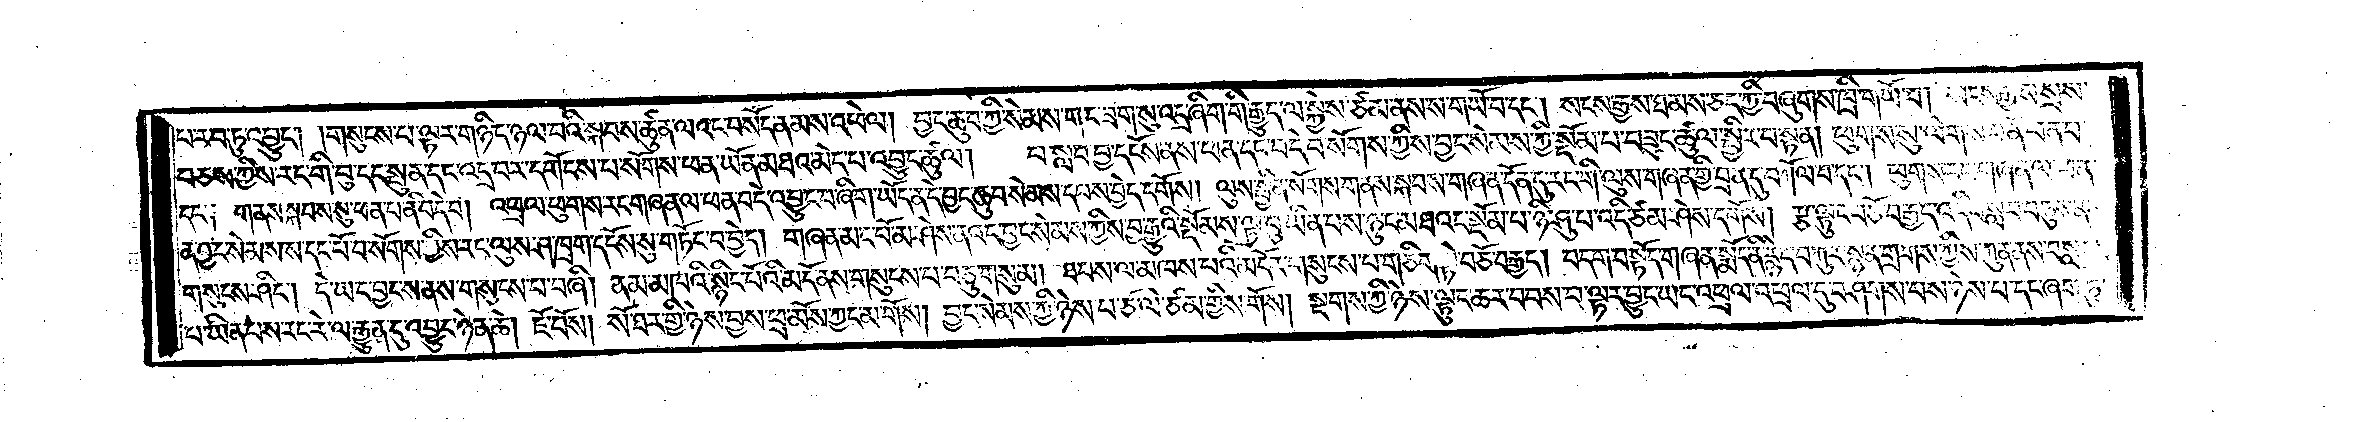པ་རབ་ཏུ་འབྱུང་། །གསུངས་པ་ལྟར་གཉིད་ཉལ་བའི་སྐབས་ཚུན་ལའང་བསོད་ནམས་འཕེལ། བྱང་ཆུབ་ཀྱི་སེམས་གང་ཟག་སུ་འདྲ་ཞིག་གི་རྒྱུད་ལ་སྐྱེས་ཙམ་ནས་ས་གཡོ་བ་དང་། སངས་རྒྱས་ཐམས་ཅད་ཀྱི་བཞུགས་ཁྲི་གཡོ་བ། སངས་རྒྱས་སྲས་
བཅས་ཀྱིས་རང་གི་བུ་དང་སྤུན་དང་འདྲ་པར་དགོངས་པ་སོགས་ཕན་ཡོན་མཐའ་མེད་པ་འབྱུང་ཚུལ། བསླབ་བྱ་དངོས་ནས་ཕན་དང་བདེ་བ་སོགས་ཀྱིས་བྱང་སེམས་ཀྱི་སྡོམ་པ་བཟུང་ཚུལ་སྤྱིར་བསྟན། ཕུགས་སུ་ལེགས་པ་ནི་ཕན་པ་
དང་། གནས་སྐབས་སུ་ཕན་པ་ནི་བདེ་པ། འཕྲལ་ཕུགས་རང་གཞན་ལ་ཕན་བདེ་འབྱུང་བ་ཞིག་ཡོད་ན་དེ་བྱང་ཆུབ་སེམས་དཔས་བྱེད་དགོས། ལུས་སྦྱིན་སོགས་གནས་སྐབས་གཞན་དོན་དུ་རང་གི་ལུས་གཞན་གྱི་དྲན་དུ་བཀོལ་པ་དང་། ཕུགས་རང་གཞན་ལ་ཕན་
ན་བྱང་སེམས་ས་དང་པོ་བ་སོགས་ཀྱིས་རང་ལུས་ཤ་ཁྲག་དངོས་སུ་གཏོང་བ་བྱེད། གཞན་མང་པོ་མ་ཤེས་ནའང་བྱང་སེམས་ཀྱིས་བྱ་རྒྱུའི་སྡོམས་ལྟ་བུ་ཡིན་པས་ཉུང་མཐའང་སྡོམ་པ་ཉི་ཤུ་པ་འདི་ཙམ་ཤེས་དགོས། རྩ་ལྟུང་བཅོ་བརྒྱད་འདི་བསླབ་བཏུས་ནས་
གསུངས་ཤིང་། དེ་ཡང་བྱངས་ནས་གསུངས་པ་བཞི། ནམ་མཁའི་སྙིང་པོའི་མདོ་ནས་གསུངས་པ་བཅུ་གསུམ། ཐབས་ལ་མཁས་པའི་མདོར་གསུངས་པ་གཅིག་སྟེ་བཅོ་བརྒྱད། བདག་བསྟོད་གཞན་སྨོད་ནི་རྙེད་བཀུར་སྙན་གྲགས་ཀྱིས་ཀུན་ནས་བསླངས་
པ་ཡིན་པས་རང་རེ་ལ་རྒྱུན་དུ་འབྱུང་ཉེན་ཆེ། ཇོ་བོས། སོ་ཐར་གྱི་ཉེས་བྱས་ཕྲ་མོས་ཀྱང་མ་གོས། བྱང་སེམས་ཀྱི་ཉེས་པ་ཅོ་ལེ་ཙམ་གྱིས་གོས། སྔགས་ཀྱི་ཉེས་ལྟུང་ཆར་བབས་པ་ལྟར་བྱུང་ཡང་འཕྲལ་འཕྲལ་དུ་བཤགས་པས་ཉེས་པ་དང་ཞག་ཏུ་